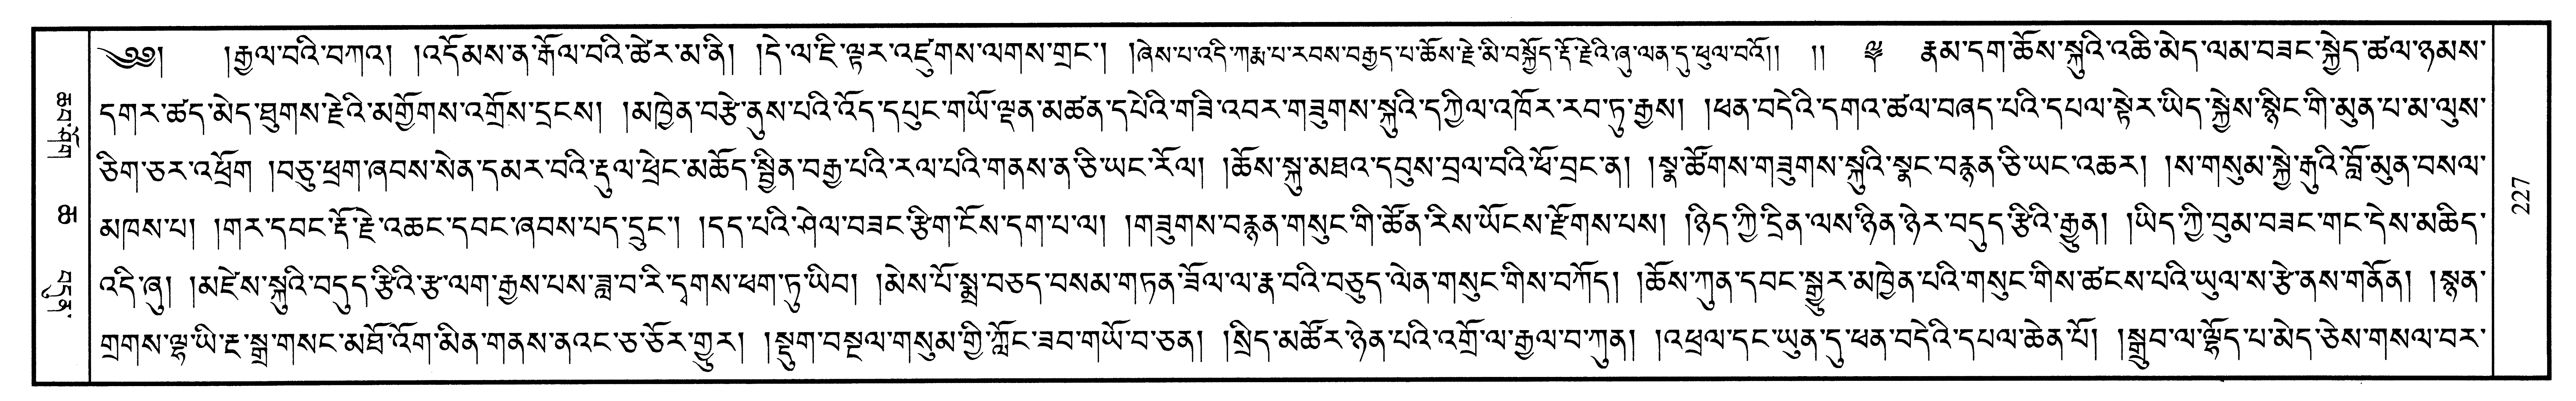༄༅། །རྒྱལ་བའི་བཀའ། །འདོམས་ན་རྒོལ་བའི་ཚེར་མ་ནི། །དེ་ལ་ཇི་ལྟར་འཛུགས་ལགས་གྲང་། །ཞེས་པ་འདི་ཀརྨ་པ་རབས་བརྒྱད་པ་ཆོས་རྗེ་མི་བསྐྱོད་རྡོ་རྗེའི་ཞུ་ལན་དུ་ཕུལ་བའོ།། །། ༈ རྣམ་དག་ཆོས་སྐུའི་འཆི་མེད་ལམ་བཟང་སྐྱེད་ཚལ་ཉམས་
དགར་ཚད་མེད་ཐུགས་རྗེའི་མགྱོགས་འགྲོས་དྲངས། །མཁྱེན་བརྩེ་ནུས་པའི་འོད་དཔུང་གཡོ་ལྡན་མཚན་དཔེའི་གཟི་འབར་གཟུགས་སྐུའི་དཀྱིལ་འཁོར་རབ་ཏུ་རྒྱས། །ཕན་བདེའི་དགའ་ཚལ་བཞད་པའི་དཔལ་སྟེར་ཡིད་སྐྱེས་སྙིང་གི་མུན་པ་མ་ལུས་
ཅིག་ཅར་འཕྲོག །བཅུ་ཕྲག་ཞབས་སེན་དམར་བའི་རྡུལ་ཕྲེང་མཆོད་སྦྱིན་བརྒྱ་པའི་རལ་པའི་གནས་ན་ཅི་ཡང་རོལ། །ཆོས་སྐུ་མཐའ་དབུས་བྲལ་བའི་ཕོ་བྲང་ན། །སྣ་ཚོགས་གཟུགས་སྐུའི་སྣང་བརྙན་ཅི་ཡང་འཆར། །ས་གསུམ་སྐྱེ་རྒུའི་བློ་མུན་བསལ་
མཁས་པ། །གར་དབང་རྡོ་རྗེ་འཆང་དབང་ཞབས་པད་དྲུང་། །དད་པའི་ཤེལ་བཟང་རྩིག་ངོས་དག་པ་ལ། །གཟུགས་བརྙན་གསུང་གི་ཚོན་རིས་ཡོངས་རྫོགས་པས། །ཉིད་ཀྱི་དྲིན་ལས་ཉིན་ཉེར་བདུད་རྩིའི་རྒྱུན། །ཡིད་ཀྱི་བུམ་བཟང་གང་དེས་མཆིད་
འདི་ཞུ། །མཛེས་སྐུའི་བདུད་རྩིའི་རྩ་ལག་རྒྱས་པས་ཟླ་བ་རི་དྭགས་ཕག་ཏུ་ཡིབ། །མེས་པོ་སྨྲ་བཅད་བསམ་གཏན་ཟོལ་ལ་རྣ་བའི་བཅུད་ལེན་གསུང་གིས་བཀོད། །ཆོས་ཀུན་དབང་སྒྱུར་མཁྱེན་པའི་གསུང་གིས་ཚངས་པའི་ཡུལ་ས་རྩེ་ནས་གནོན། །སྙན་
གྲགས་ལྷ་ཡི་རྔ་སྒྲ་གསང་མཐོ་འོག་མིན་གནས་ནའང་ཅ་ཅོར་གྱུར། །སྡུག་བསྔལ་གསུམ་གྱི་ཀློང་ཟབ་གཡོ་བ་ཅན། །སྲིད་མཚོར་ཉེན་པའི་འགྲོ་ལ་རྒྱལ་བ་ཀུན། །འཕྲལ་དང་ཡུན་དུ་ཕན་བདེའི་དཔལ་ཆེན་པོ། །སྒྲུབ་ལ་ལྷོད་པ་མེད་ཅེས་གསལ་བར་